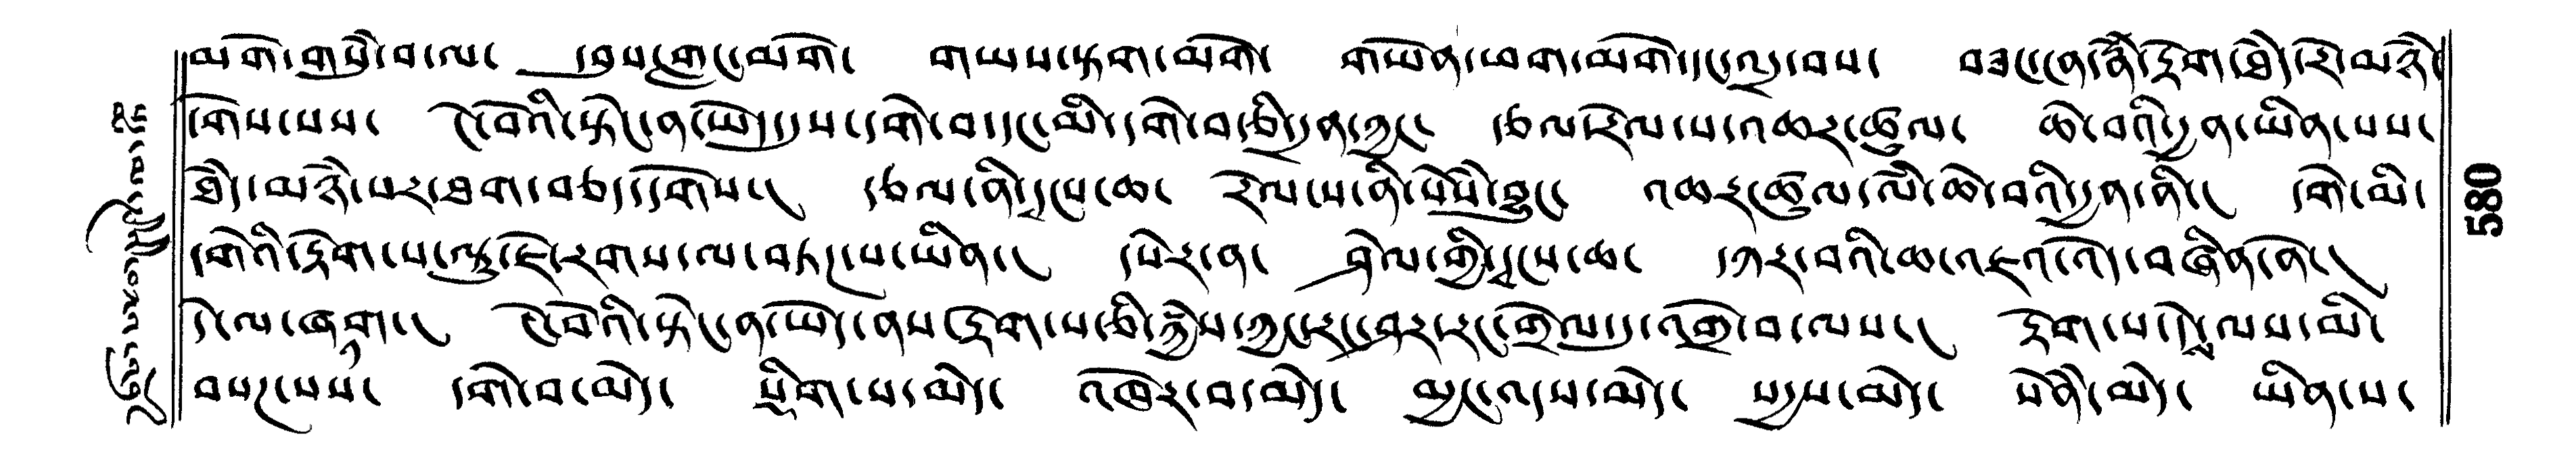མགོ་གསུམ་བ་ལ། དབུས་གླང་མགོ གཡས་སྟག་མགོ གཡོན་ཕག་མགོ་དང་འདྲ་བས། བཟང་ངན་རྣམ་རྟོག་ཐམས་ཅད་རོ་མཉམ་
དགོས་པས།ངོ་བོའི་སྟེང་ན་ཡོད་དུས་དགེ་བ་དང་མི་དགེ་བ་ཅི་དྲན་ཀྱང་། རྩལ་རོལ་པ་འཆར་ཚུལ། ཆེ་བའི་རྒྱན་ཡིན་པས་
ཐམས་ཅད་མཉམ་པར་ཐག་བཅད་དགོས། རྩལ་ནི་དྭངས་ཆ། རོལ་པ་ནི་སེམས་བྱུང་། འཆར་ཚུལ་ལམ་ཆེ་བའི་རྒྱན་ནི། དགེ་མི་
དགེ་མི་དགེའི་རྟོག་པ་ལྟ་བུ་ཇེ་རགས་ལ་བཏགས་པ་ཡིན། དཔེར་ན། ཤེལ་གྱི་དྭངས་ཆ། དཀར་བའི་ཆ་འཇའ་འོད་བཞིན་ནོ། 
དེ་ལ་ཞག་གཅིག ངོ་བོའི་སྟེང་ན་ཡོད་ནས་རྟོག་པ་ཅི་སྐྱེས་ཀྱང་རང་ཤར་རང་གྲོལ་དུ་འགྲོ་བ་ལས། རྟོག་པ་དེས་ལས་མི་
བསག་པས། དགེ་བ་མེད། སྡིག་པ་མེད། འཁོར་བ་མེད། མྱང་འདས་མེད། སངས་རྒྱས་མེད། སེམས་ཅན་མེད། ཡིན་པ་